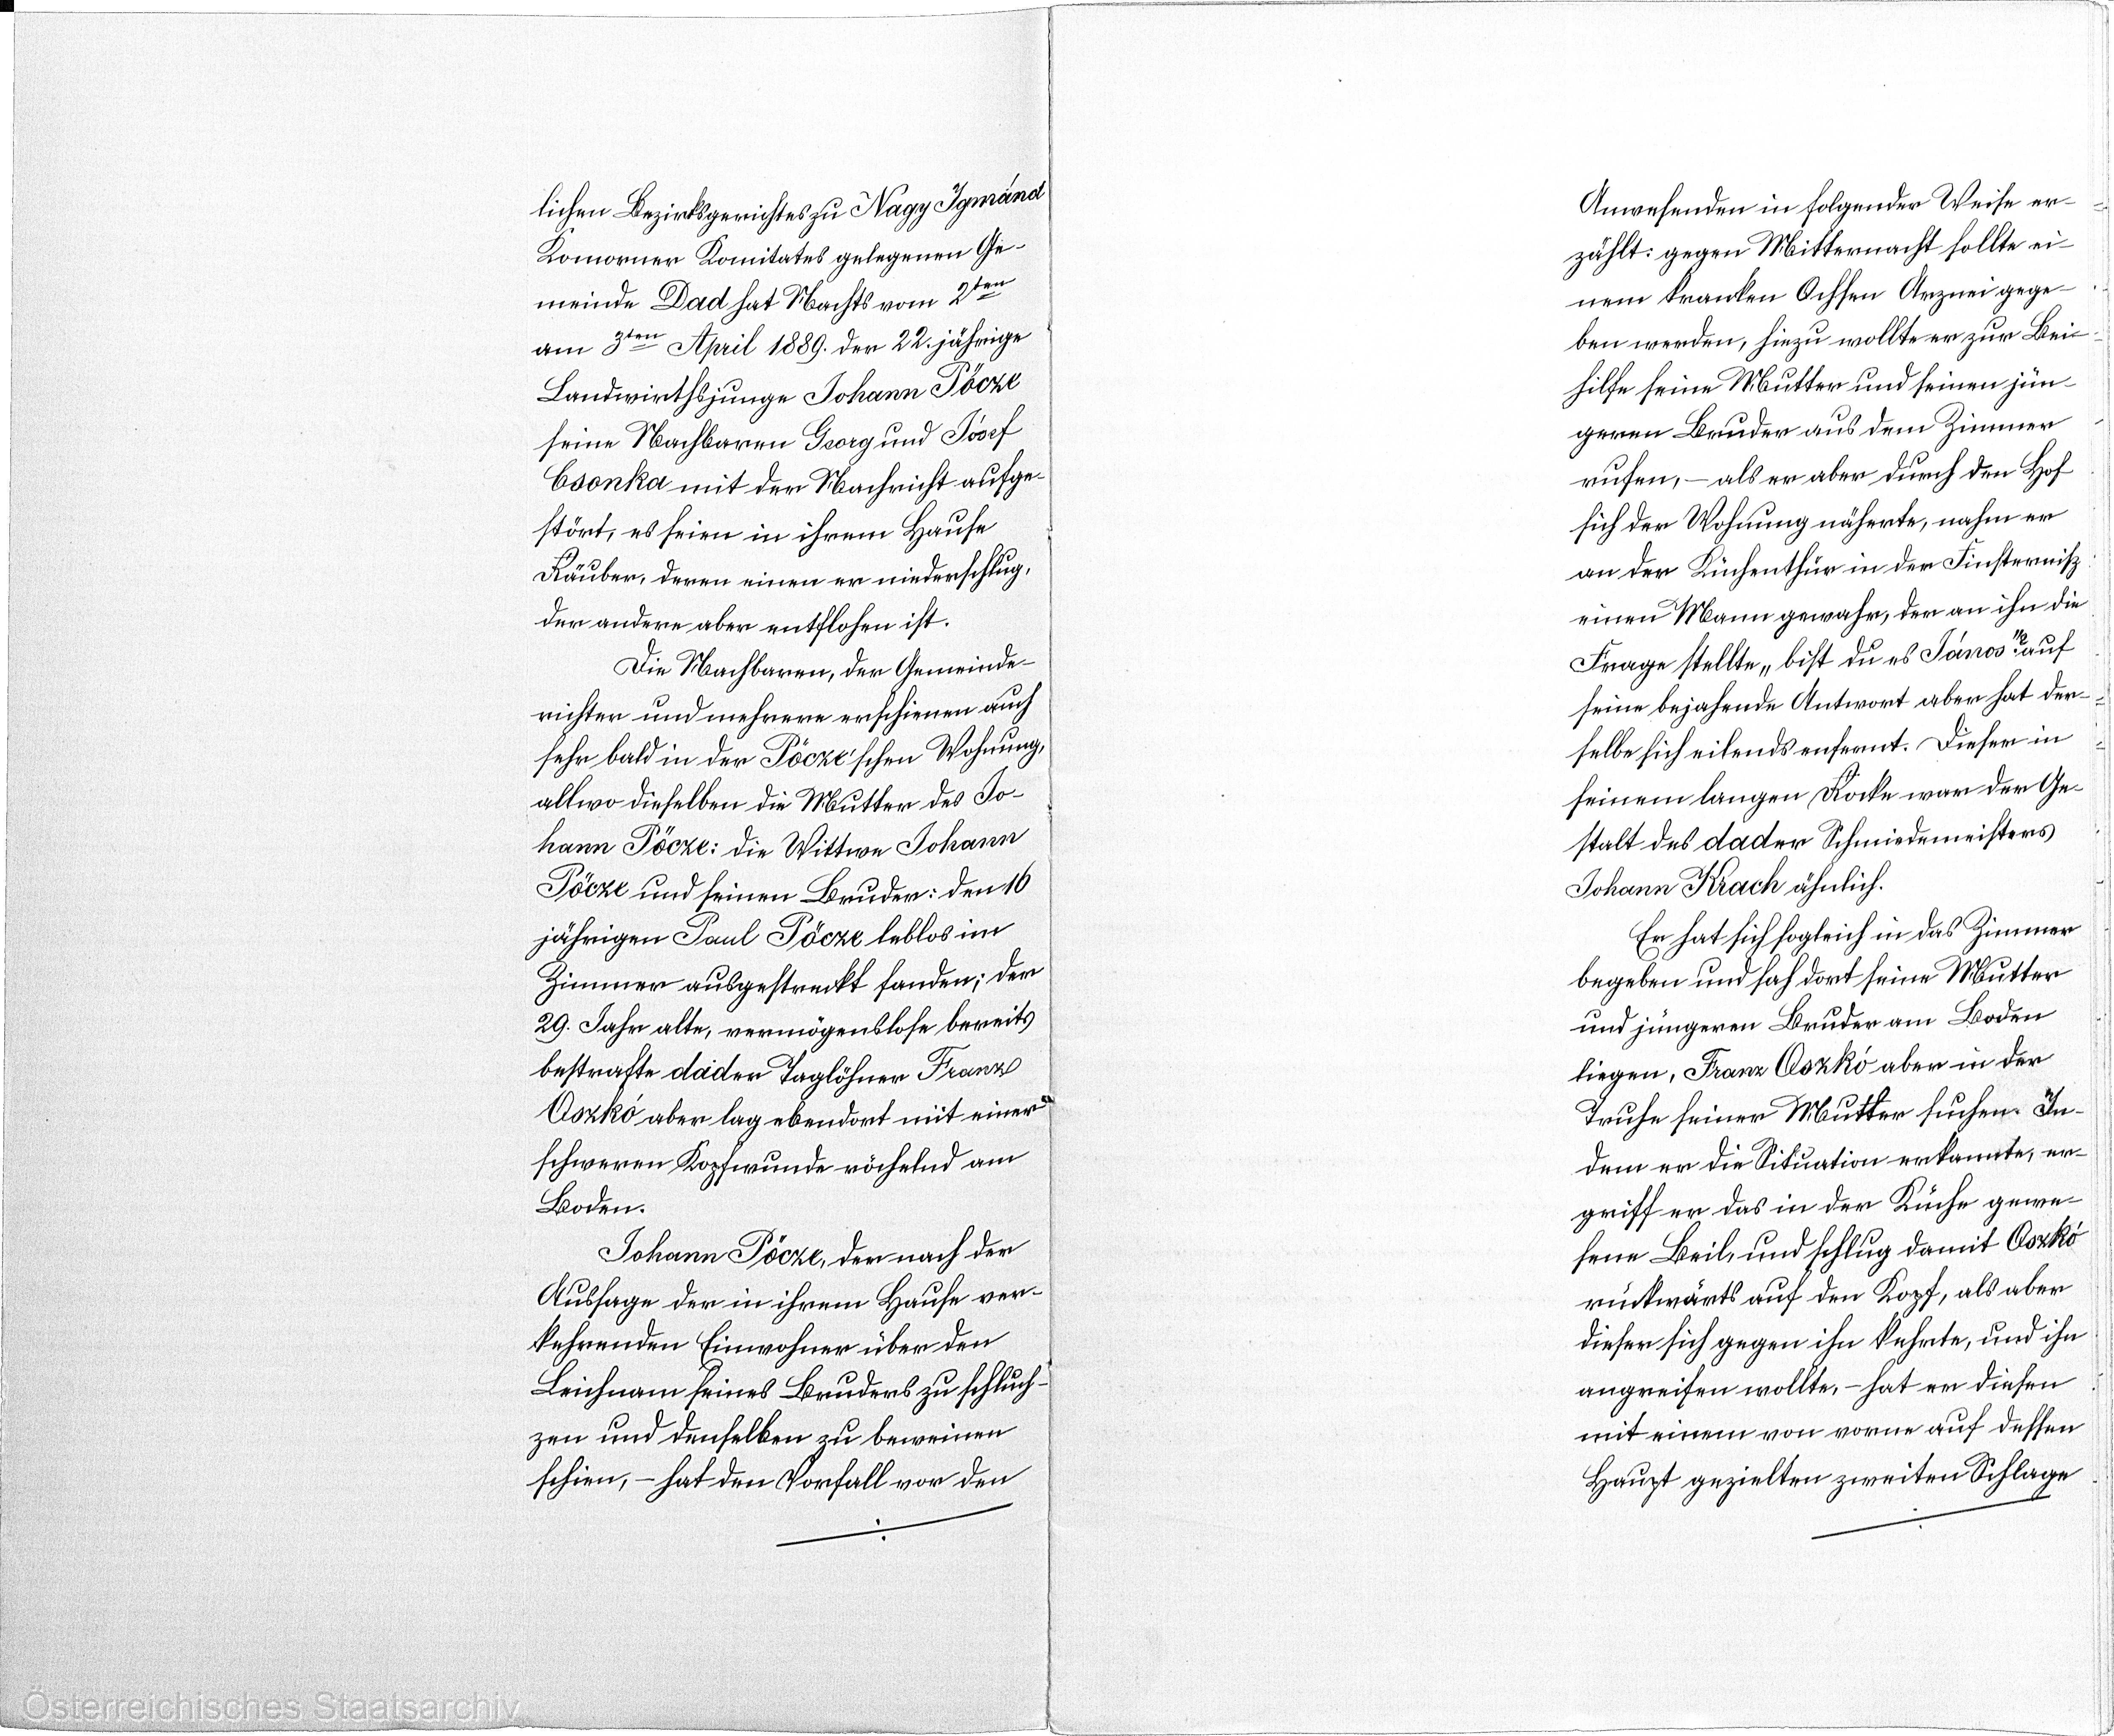lichen Bezirksgerichtes Nagy Igmánd
Komorner Komitates gelegenen Ge¬
meinde Dad hat Nachts vom 2ten
am 3ten April 1889 der 22 jährige
Landwirthsjunge Johann Pöcze
seine Nachbaren Georg und Jósef
Csonka mit der Nachricht aufge¬
stört, es seien in ihrem Hause
Räuber, deren einen er niederschlug,
der andere aber entflohen ist.
Die Nachbaren, der Gemeinde¬
richter und mehrere erschienen auch
sehr bald in der Pöcze’schen Wohnung,
allwo-dieselben die Mutter des Jo¬
hann Pöcze: die Wittwe Johann
Pöcze und seinen Bruder: den 16
jährigen Paul Pöcze leblos im
Zimmer ausgestreckt fanden; der
29 Jahr alte, vermögenslose bereits
bestrafte dader Taglöhner Franz
Oszkó aber lag ebendort mit einer
schweren Kopfwunde röchelnd am
Boden.
Johann Pöcze, der nach der
Aussage der in ihren Hause ver¬
kehrenden Einwohner über den
Leichnam seines Bruders zu schluch¬
zen und denselben zu beweinen
schien, -- hat den Vorfall vor den
Anwesenden in folgender Weise er¬
zählt: gegen Mitternacht sollte ei¬
nem kranken Ochsen Arznei gege¬
ben werden, hinzu wollte er zur Bei¬
hilfe seine Mutter und seinen jün¬
geren Bruder aus dem Zimmer
rufen, -- als er aber durch den Hof¬
sich der Wohnung näherte, nahm er
an der Küchenthür in der Finsterniß
einen Mann gewahr, der an ihn die
Frage stellte „bist du es János?“ auf
seine bejahende Antwort aber hat der¬
selbe sich eilends enfernt. Dieser in
seinem langen Rocke war der Ge¬
stalt des dad’er Schmiedemeisters
Johann Krach ähnlich.
Er hat sich sogleich in das Zimmer
begeben und sah dort seine Mutter
und jüngeren Bruder am Boden
liegen, Franz Oszkó aber in der
Truhe seiner Mutter suchen. In¬
dem er die Situation erkannte, er¬
griff er das in der Küche gewe¬
sene Beil, und schlug damit Oszkó
rückwärts auf den Kopf, als aber
dieser sich gegen ihn kehrte, und ihn
angreifen wollte, -- hat er diesen
mit einem von vorne auf dessen
Haupt gezielten zweiten Schlage